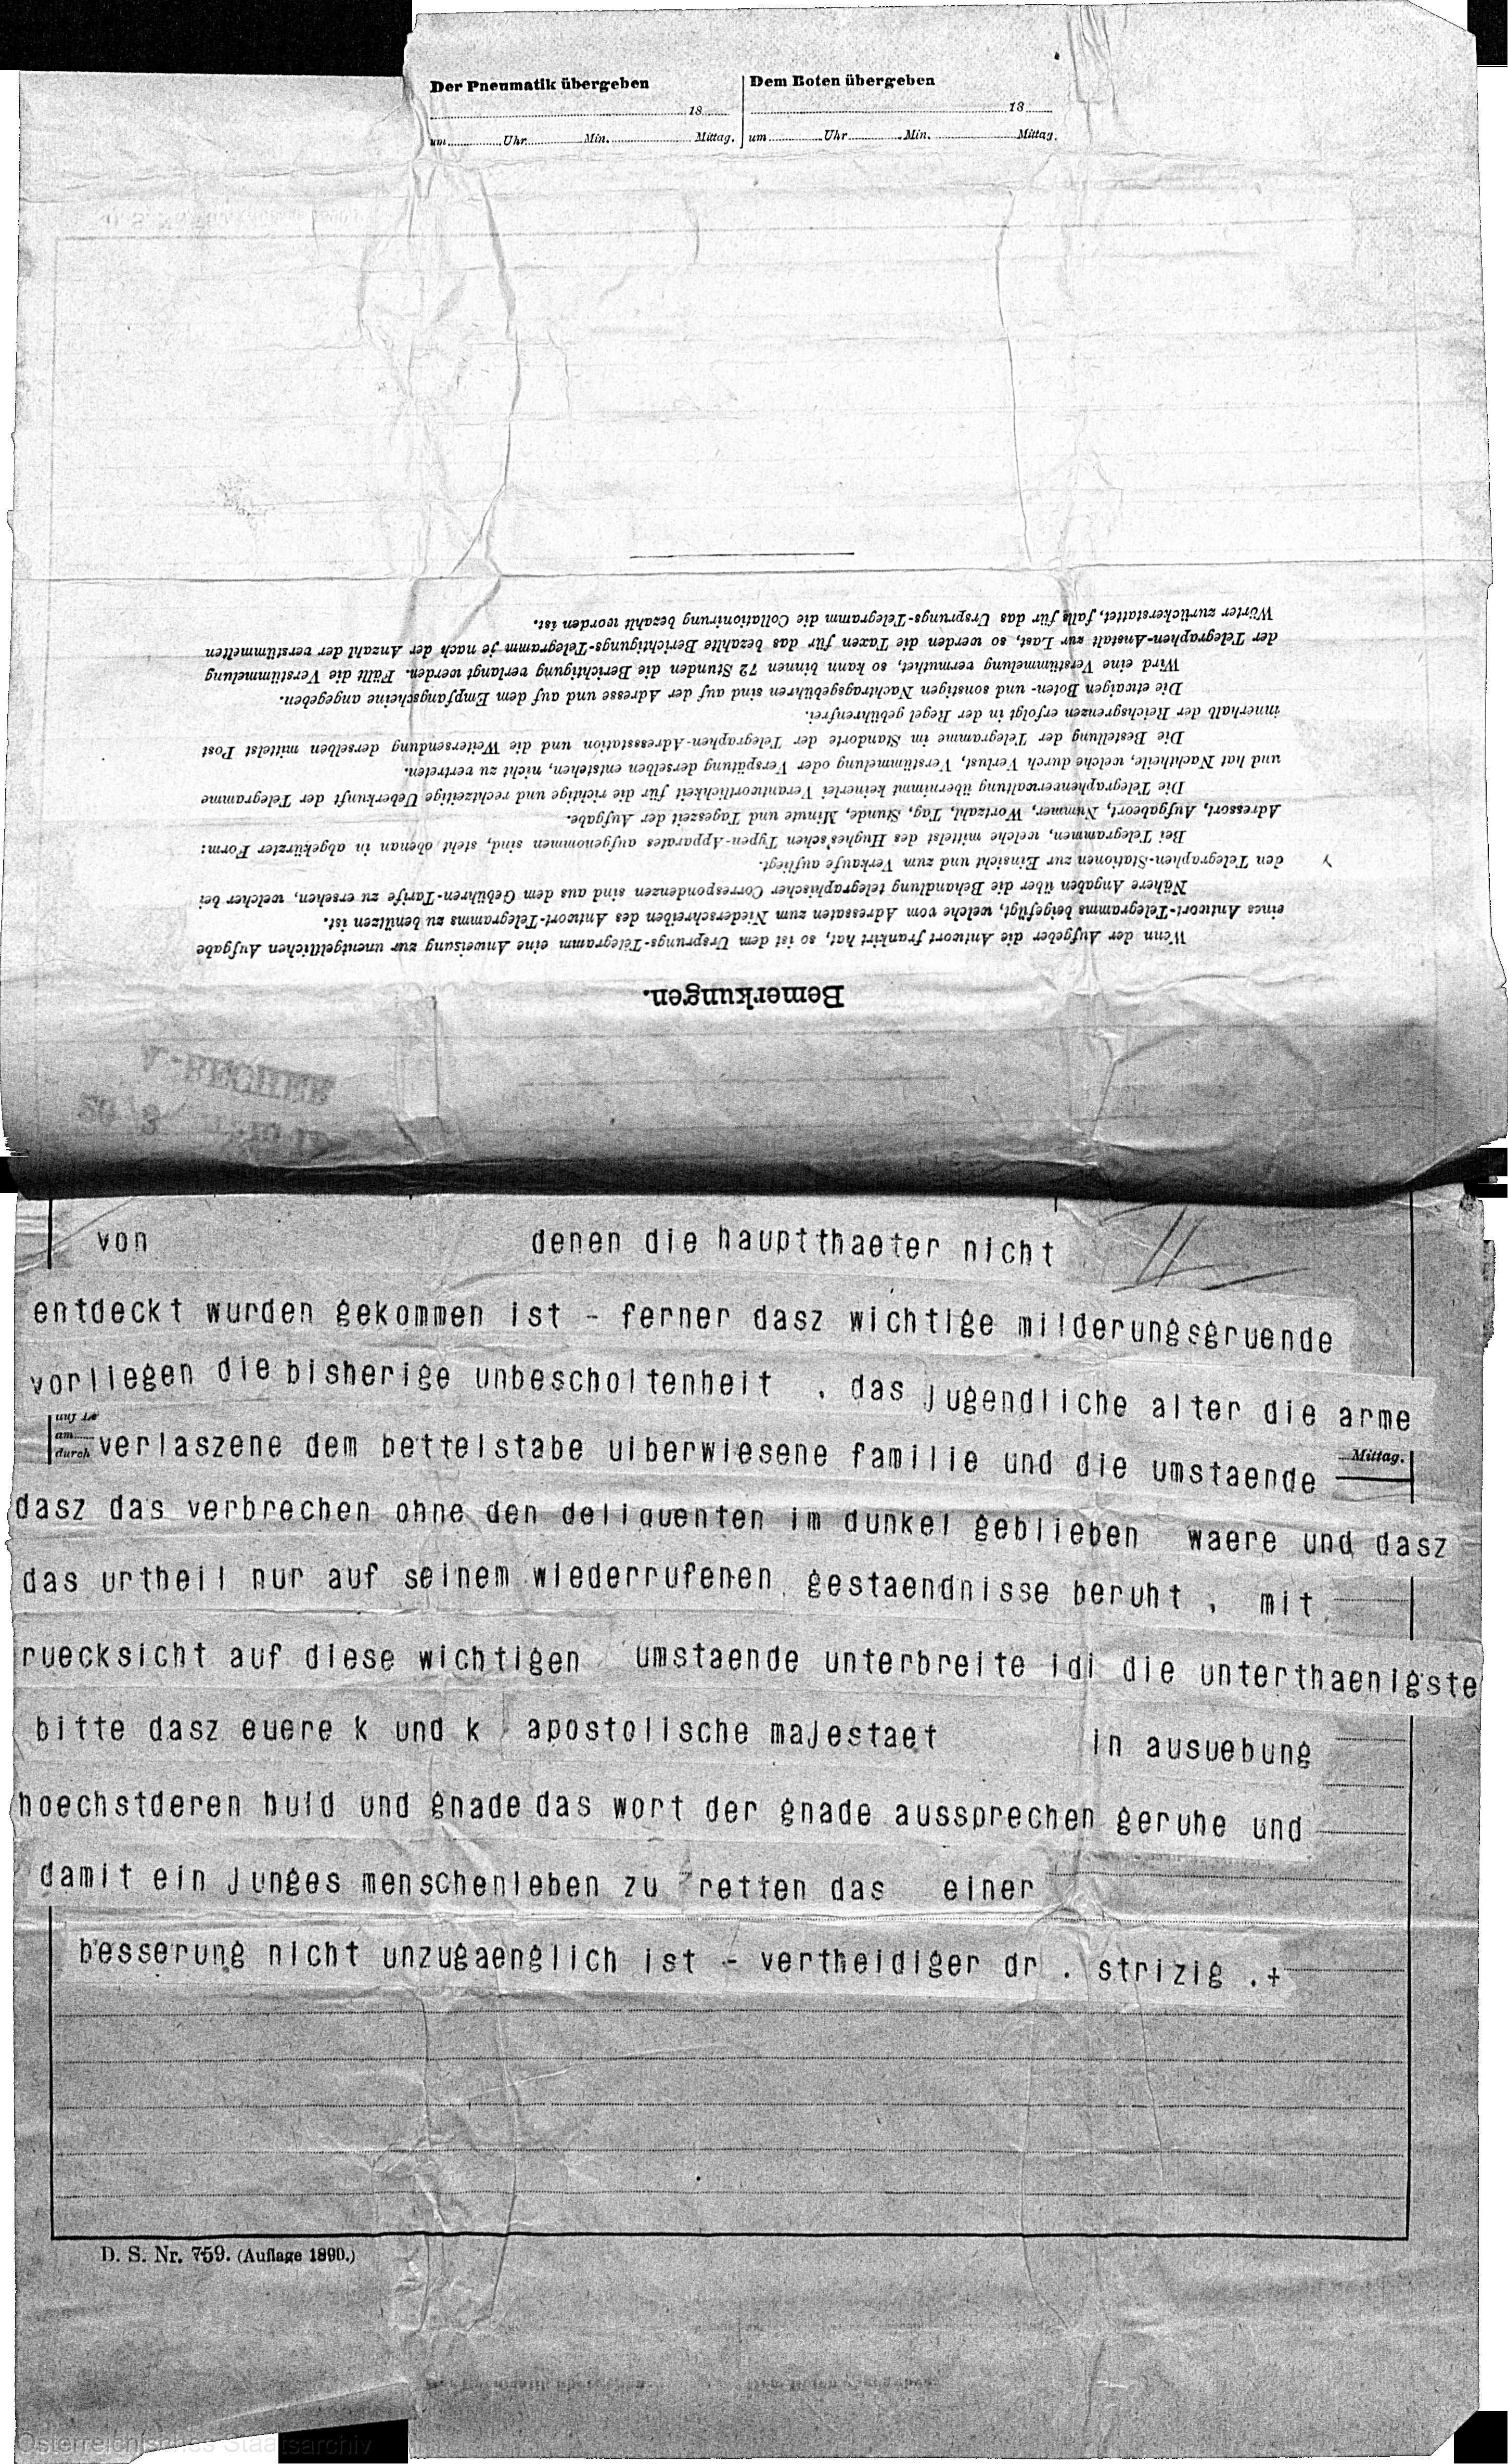Der Pneumatik übergeben
.. 18 ...
um ... Uhr ... Min. ... Mittag.
Der Boten übergeben
.. 18 ...
um ... Uhr ... Min. ... Mittag.
von
denen die hauptthaeter nicht
entdeckt wurden gekommen ist - ferner dasz wichtige milderungsgruende
vorliegen die bisherige unbescholtenheit, das jugendliche alter die arme
verlaszene dem bettelstabe uiberwiesene familie und die umstaende
dasz das verbrechen ohne den deliquenten im dunkel geblieben waere und dasz
das urtheil nur auf seinem wiederrufenen gestaendnisse beruht, mit
ruecksicht auf diese wichtigen umstaende unterbreite idi [sic – must be „ich“] die unterthaenigste
bitte dasz euere k und k apostolische majestaet in ausuebung
hoechstderen huld und gnade das wort der gnade aussprechen geruhe und
damit ein Junges menschenleben zu retten das einer
besserung nicht unzugaenglich ist - vertheidiger dr. strizig.+
D. S. Nr. 759. (Auflage 1890.)